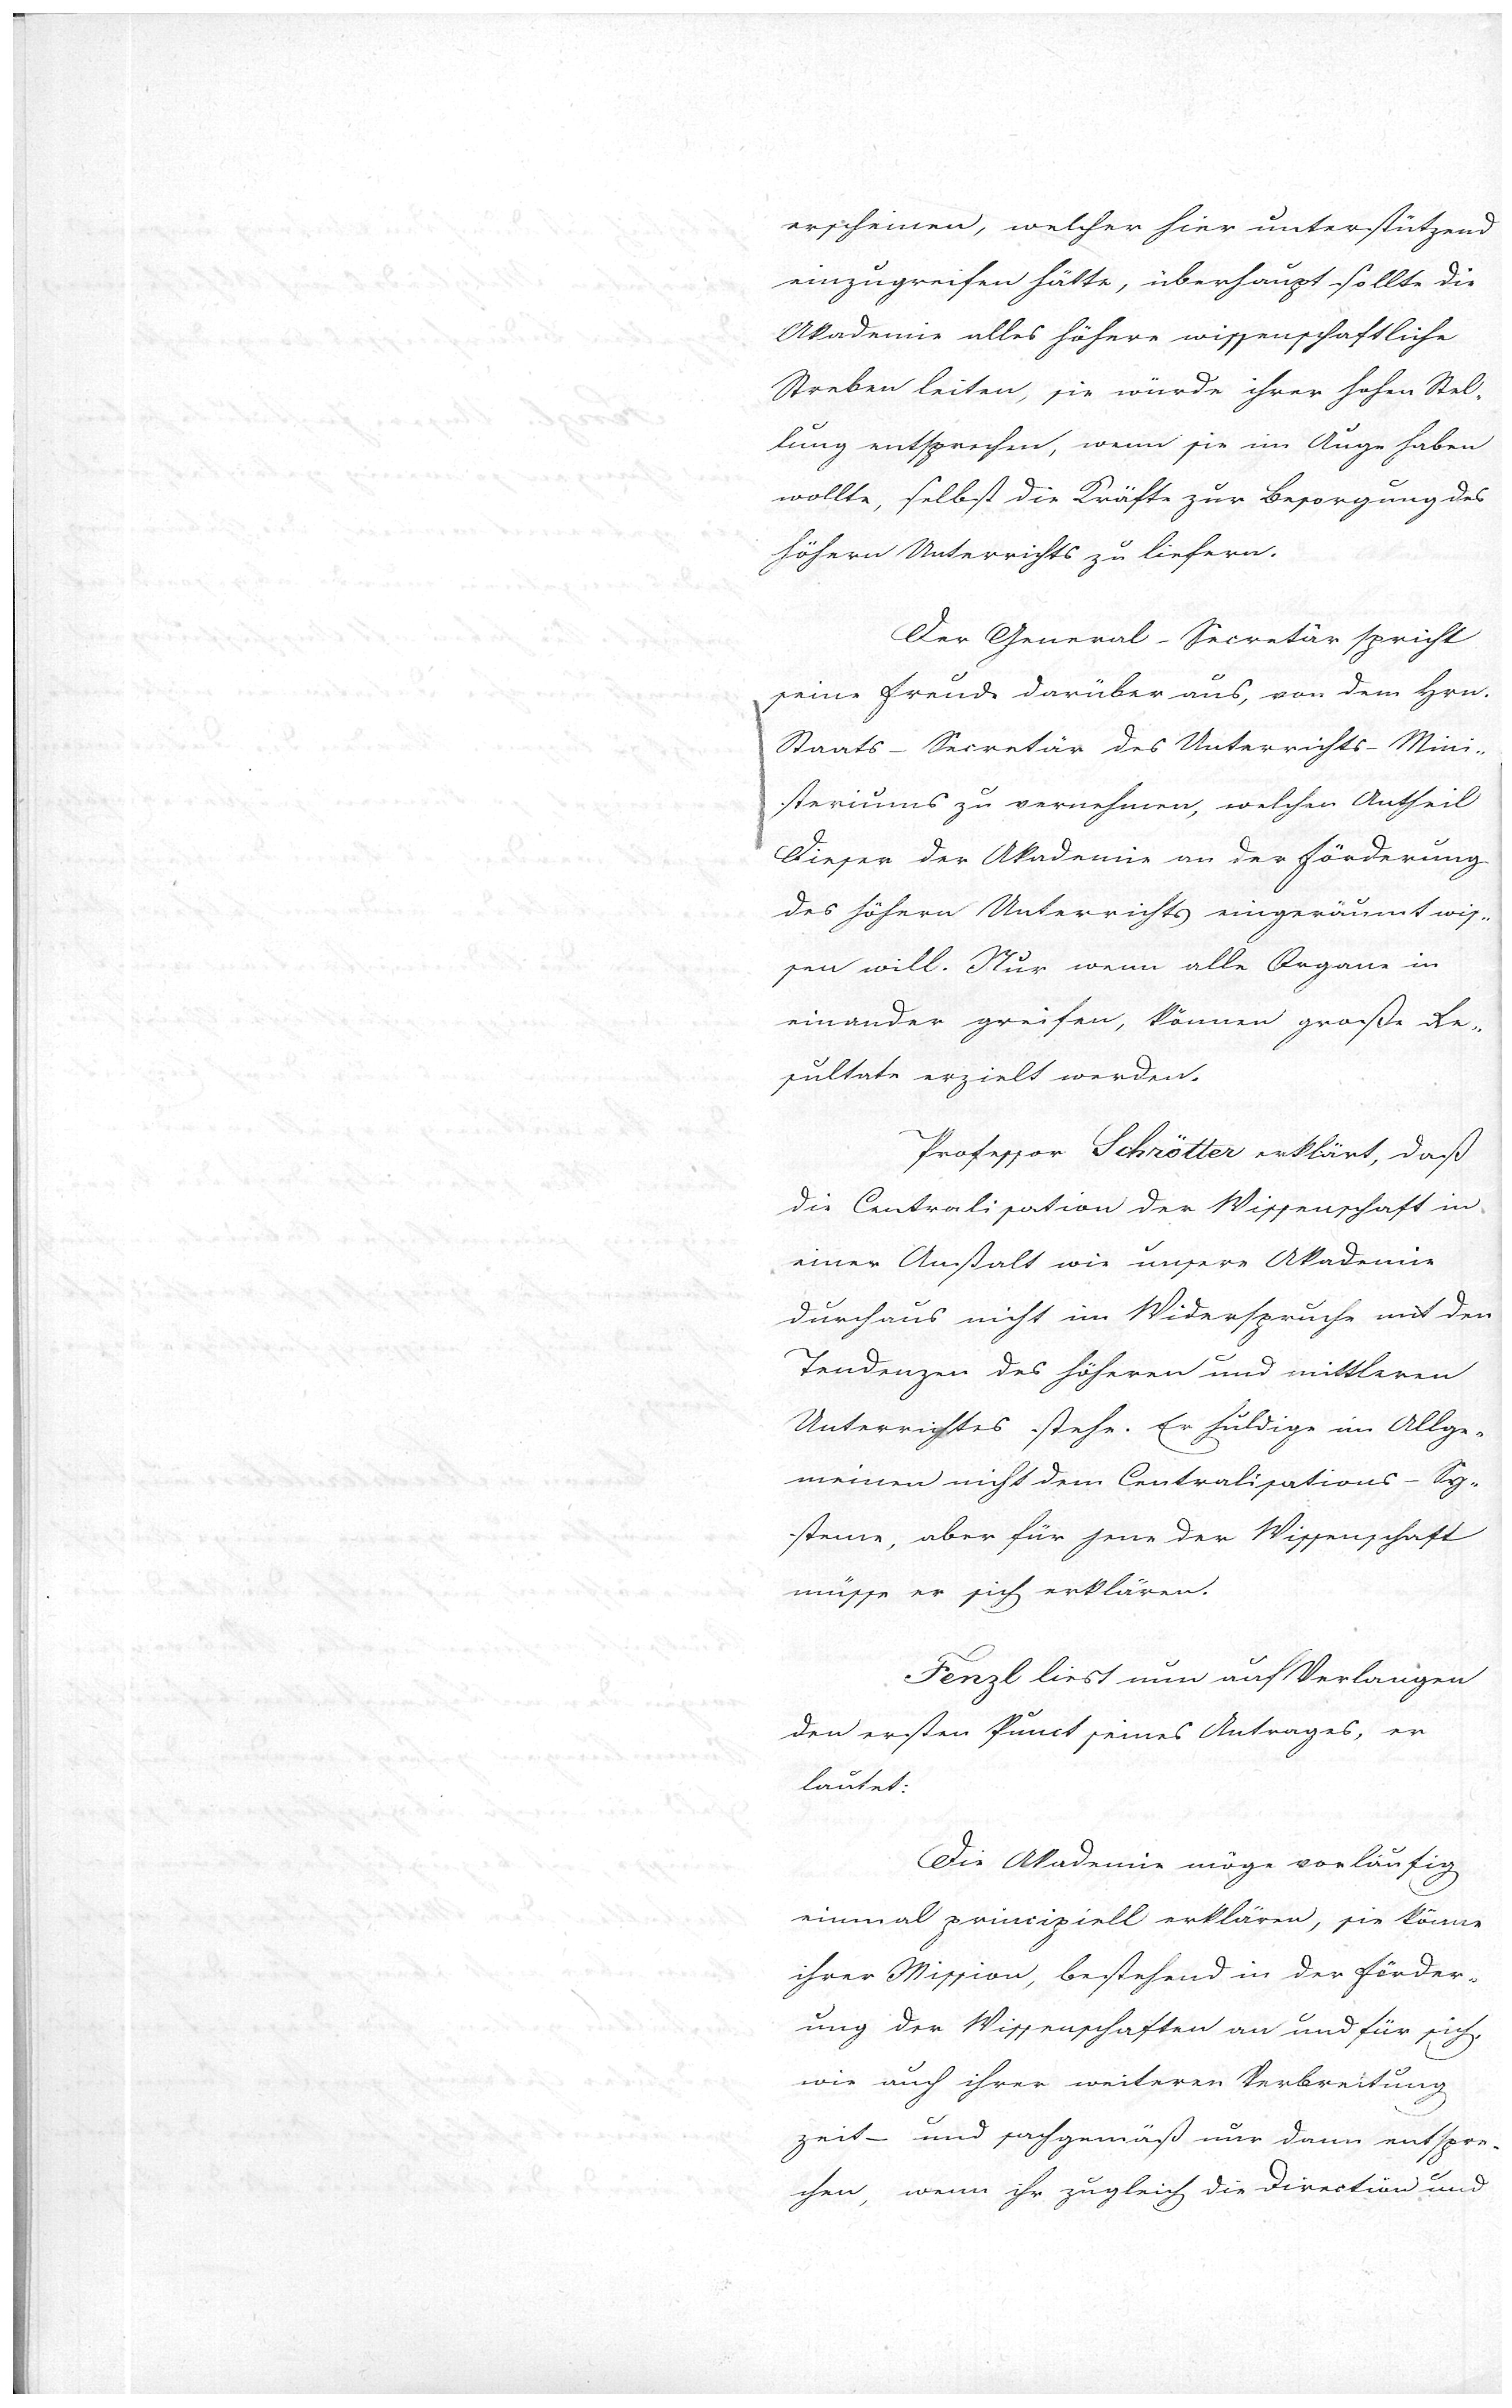erscheinen, welcher hier unterstützend
einzugreifen hätte, überhaupt sollte die
Akademie alles höhere wissenschaftliche
Streben leiten, sie würde ihrer hohen Stel-
lung entsprechen, wenn sie im Auge haben
wollte, selbst die Kräfte zur Besorgung des
höhern Unterrichts zu liefern.
Der General-Secretär spricht
eine Freunde darüber aus, von dem Hrn.
Staats-Secretär des Unterrichts-Mini-
steriums zu vernehmen, welchen Antheil
dieser der Akademie an der Förderung
des höhern Unterrichts eingeräumt wis-
sen will. Nur wenn alle Organe in
einander greifen, können große Re-
sultate erzielt werden.
Professor Schrötter erklärt, daß
die Centralisation der Wissenschaft in
einer Anstalt wie unsere Akademie
durchaus nicht im Widerspruche mit den
Tendenzen des höheren und mittleren
Unterrichtes stehe. Er huldige im Allge-
meinen nicht dem Centralisations-Sy-
steme, aber für jene der Wissenschaft
müsse er sich erklären.
Fenzl liest nun auf Verlangen
den ersten Punct seines Antrages, er
lautet:
Die Akademie möge vorläufig
einmal prinzipiell erklären, sie könne
ihrer Mission, bestehend in der Föder-
ung der Wissenschaften an und für sich
wie auch ihrer weiteren Verbreitung-
zeit- und sachgemäß nur dann entspre-
chen, wenn ihre zugleich die Direction und